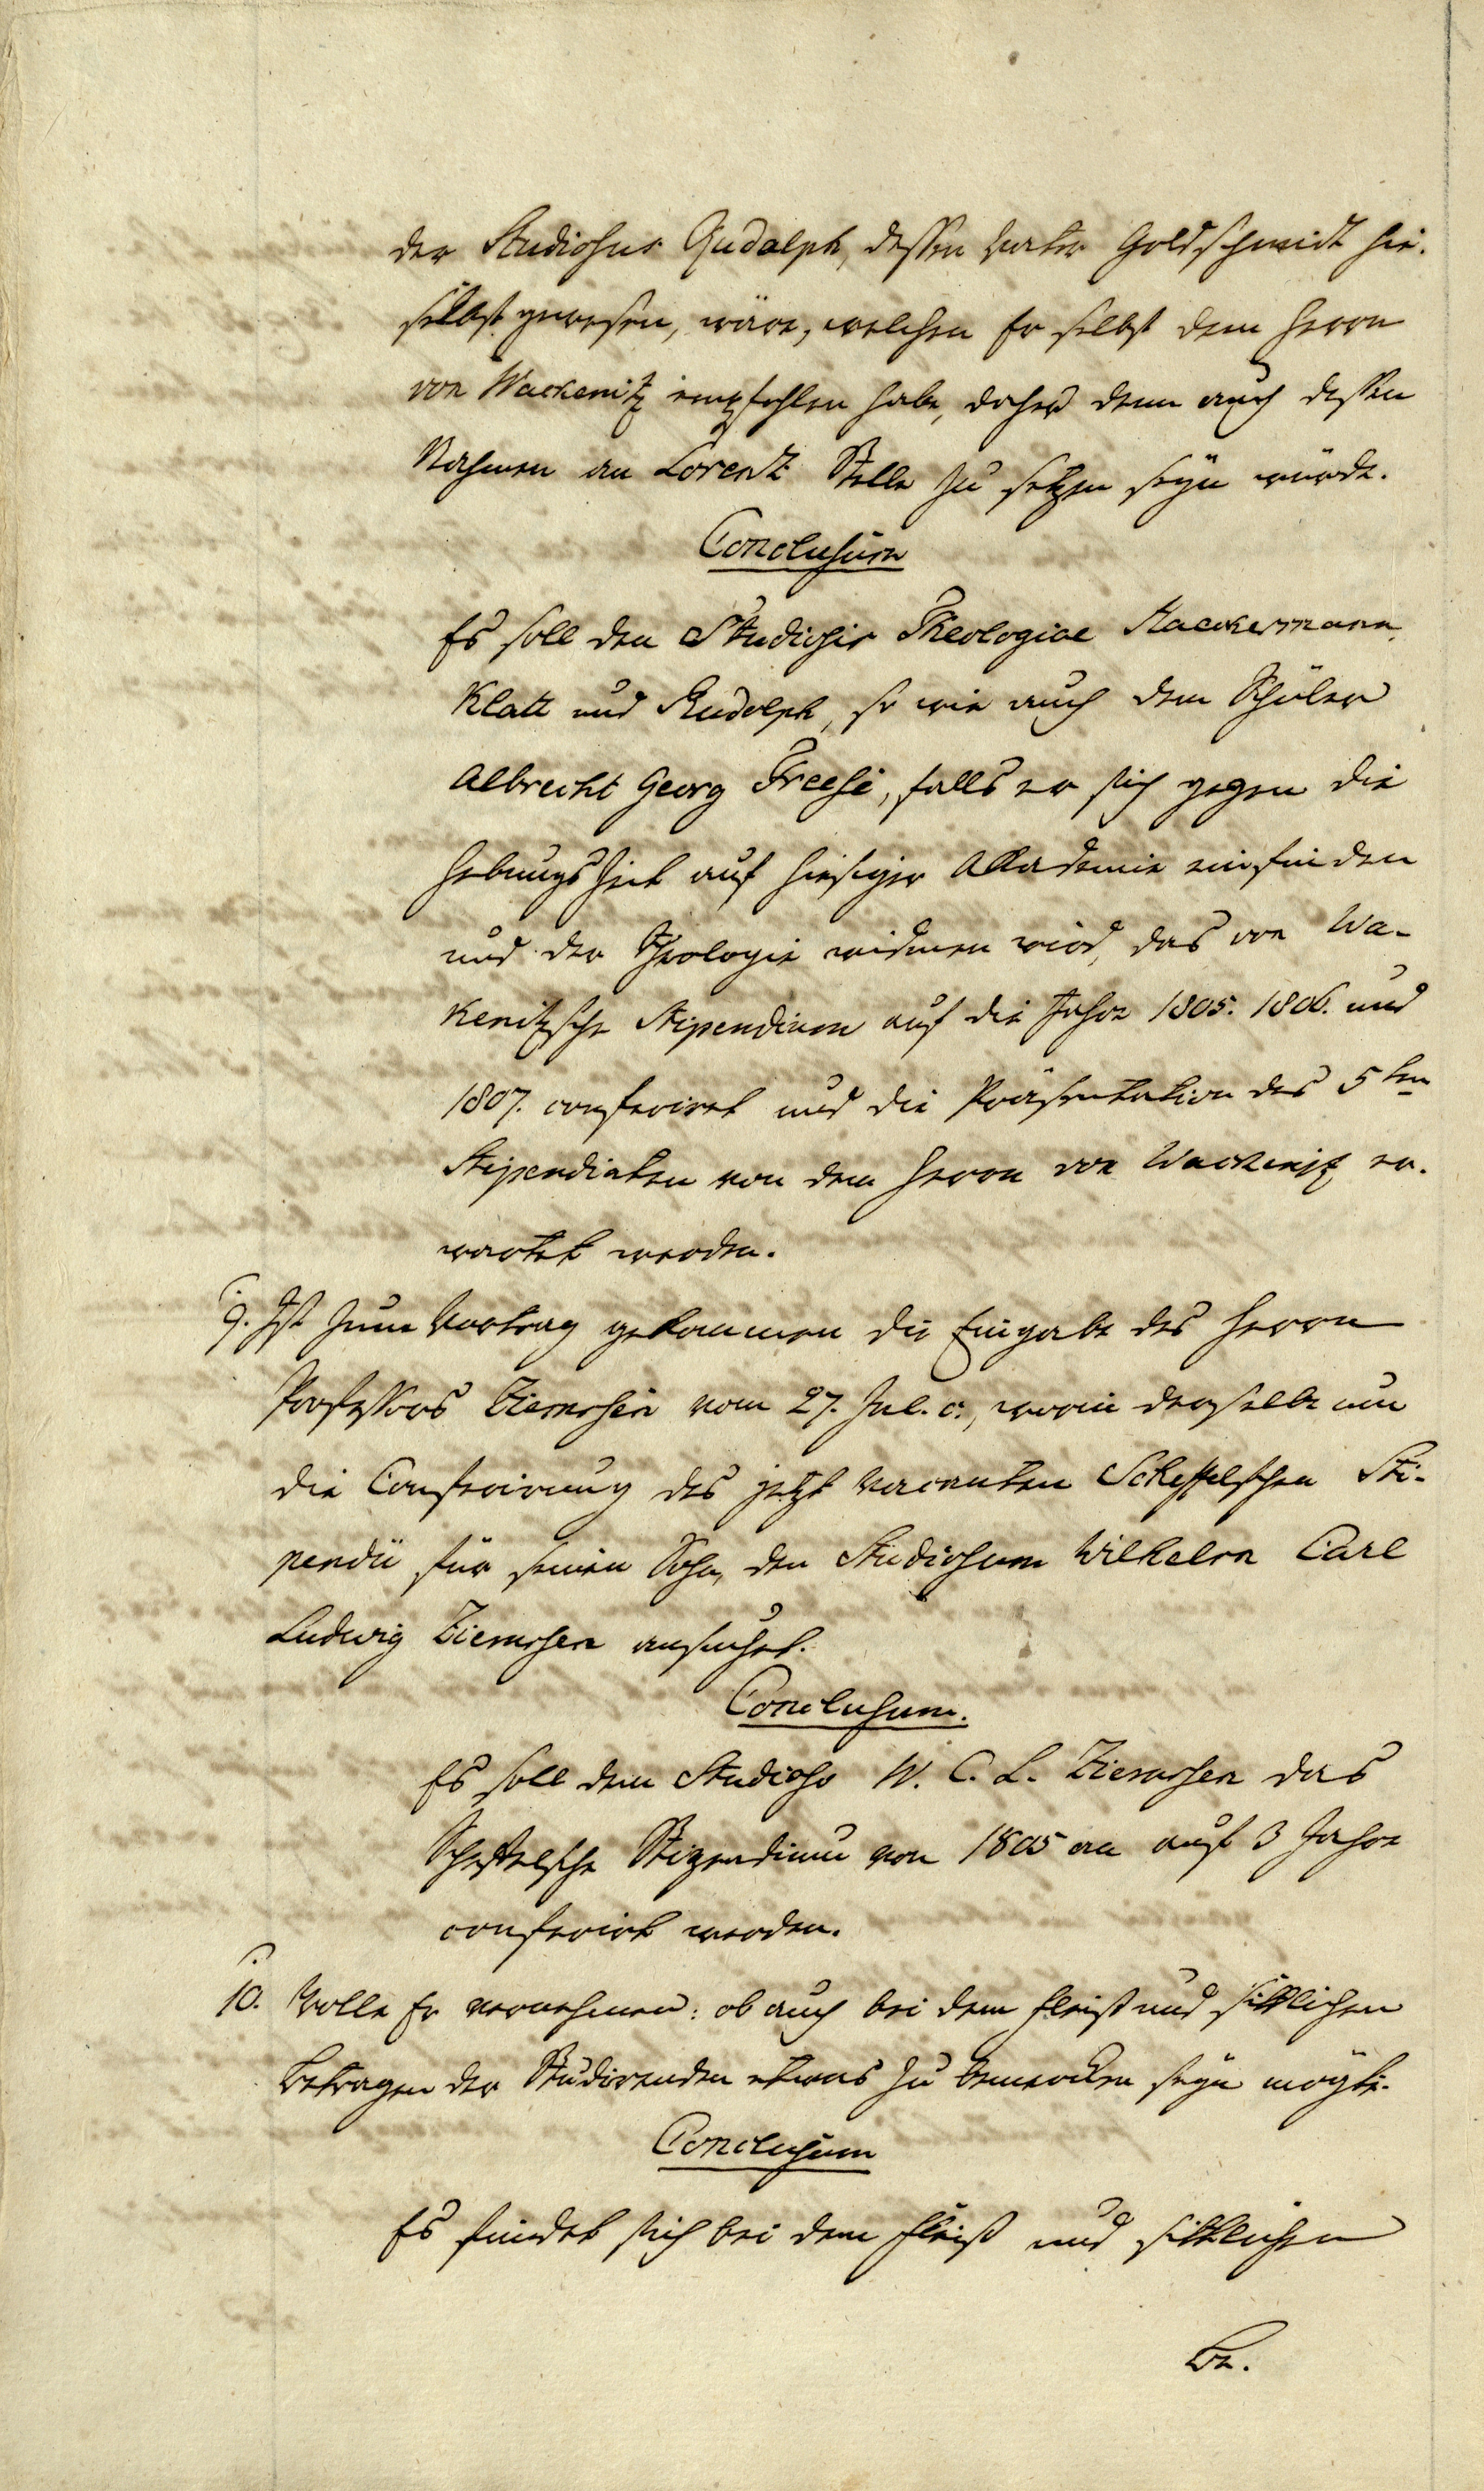der Studiosus Rudolph, dessen Vater Goldschmidt hie¬
selbst gewesen, wäre, welchen Er selbst dem Herrn
von Wackenitz empfohlen habe, daher denn auch dessen
Nahmen an Lorenz Stelle zu setzen seÿn würde.
Conclusum
Es soll den Studiosis Theologiae Haeckermann,
Klatt und Rudolph, so wie auch dem Schüler
Albrecht Georg Freese, falls er sich gegen die
Hebungs Zeit auf hiesiger Akademie einfinden
und der Theologie widmen wird, das von Wa¬
kenitzsche Stipendium auf die Jahre 1805. 1806. und
1807. conferiret und die Präsentation des 5 ten
Stipendiaten von dem Herrn von Wackenitz er¬
wartet werden.
9. Ist zum Vortrag gekommen die Eingabe des Herrn
Professors Ziemssen vom 27. Jul. c., worin derselbe um
die Conferirung des jetzt vacanten Scheffelschen Sti¬
pendii für seinen Sohn, den Studiosum Wilhelm Carl
Ludwig Ziemssen ansuchet.
Conclusum.
Es soll dem Studioso W. C. L. Ziemssen das
Scheffelsche Stipendium von 1805 an auf 3 Jahre
conferirt werden.
10. Wolle Er vernehmen: ob auch bei dem Fleiß und sittlichen
Betragen der Studirenden etwas zu bemercken seÿn mögte.
Conclusum
Es findet sich bei dem Fleiß und sittlichen
Be¬